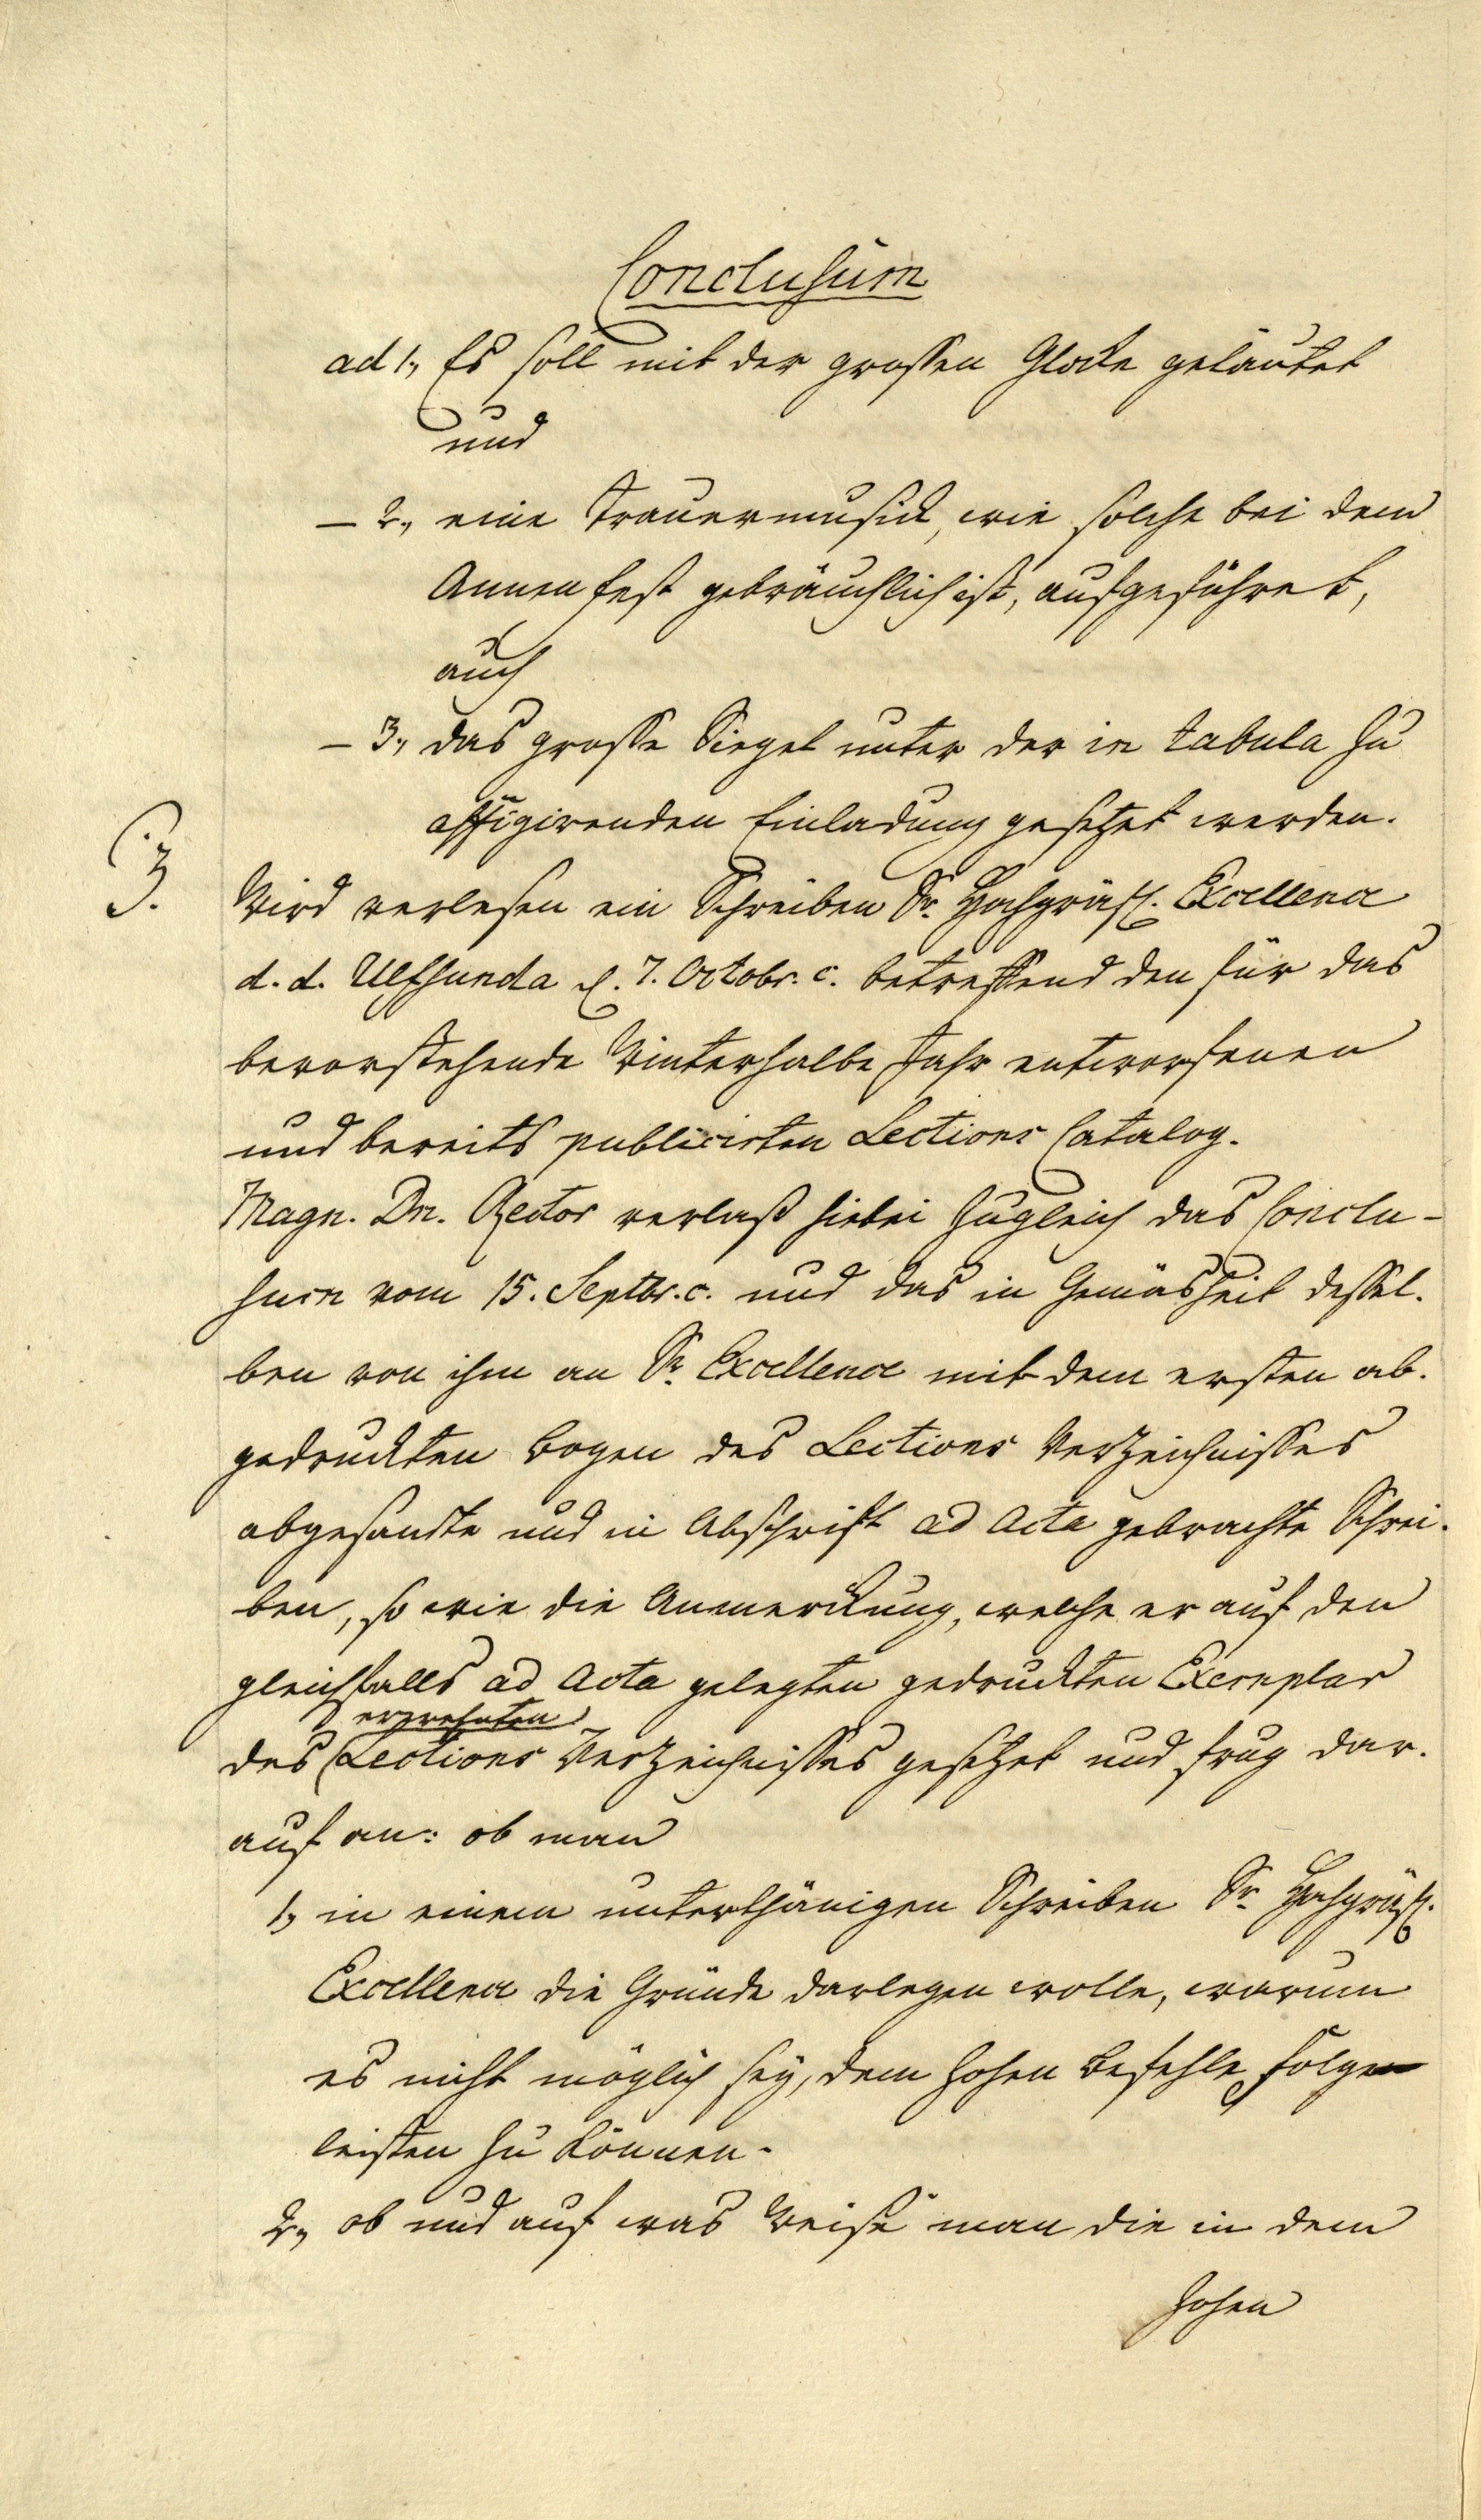Conclusum
ad 1., Es soll mit der grossen Glocke geläutet
und
2., eine Trauermusick, wie solche bei dem
Annen Fest gebräuchlich ist, aufgeführet,
auch
3., das grosse Siegel unter der in tabula zu
affigirenden Einladung gesetzet werden.
3. Wird verlesen ein Schreiben Sr Hochgräfl. Excellence
d. d. Ulfsunda d. 7. Octobr. c. betreffend den für das
bevorstehende Winterhalbe Jahr entworfenen
und bereits publicirten Lections Catalog.
Magn. Dn. Rector verlaß hiebei zugleich das Conclu¬
sum vom 15. Septbr. c. und das in Gemäsheit dessel¬
ben von ihm an Sr Excellence mit dem ersten ab¬
gedruckten Bogen des Lections Verzeichnisses
abgesandte und in Abschrift ad Acta gebrachte Schrei¬
ben, so wie die Ammerckung, welche er auf den
gleichfalls ad Acta gelegten gedruckten Exemplar
des erwehnten Lections Verzeichnisses gesetzet und frug dar¬
auf an: ob man
1., in einem unterthänigen Schreiben Sr Hochgräfl.
Excellence die Gründe darlegen wolle, warum
es nicht möglich seÿ, dem hohen Befehle Folge
leisten zu können.
2., ob und auf was Weise man die in dem
hohen